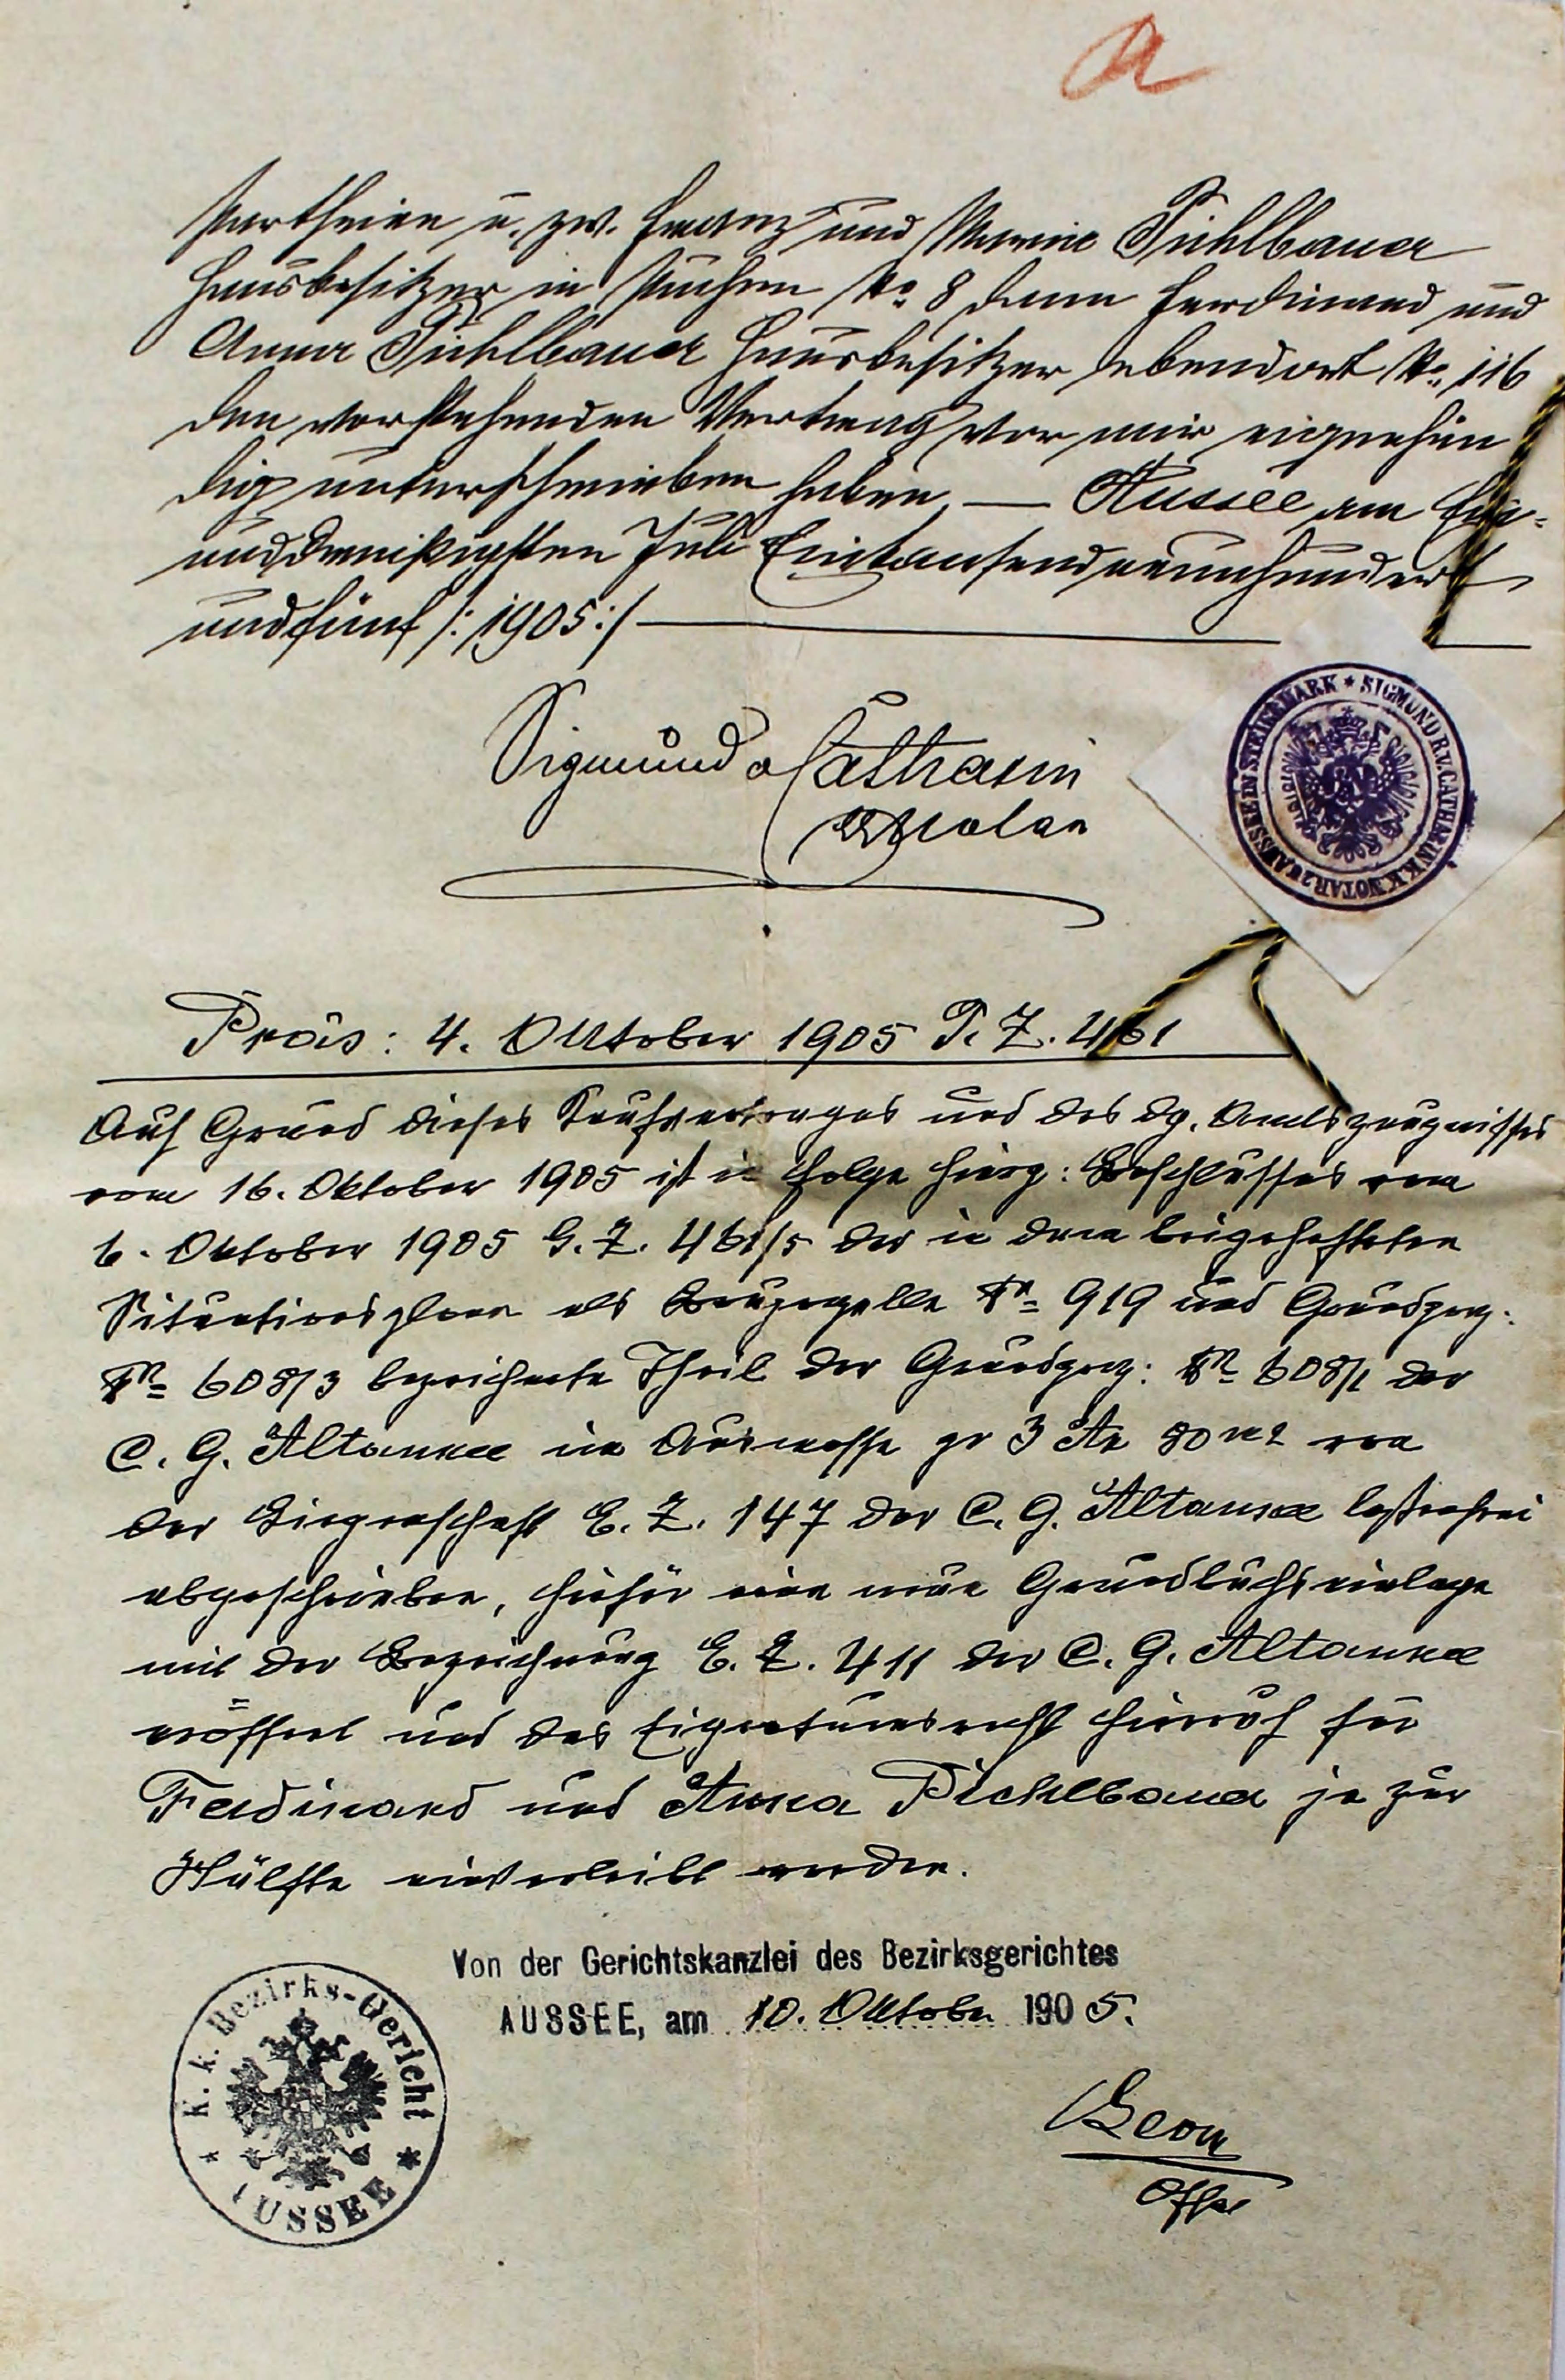A
Partheien u. zw. Franz und Maria Pichlbauer
Hausbesitzer in Muhen No 8 dann Ferdinand und
Anna Pichlbauer Hausbesitzer ebendort No 116
den vorstehenden Vertrag vor mir eigenhün
dig unterschrieben haben — Aussee am Ein=
und dreißigsten Juli Eintausendneunhundert
undfünf /:1905:/
Sigmund Catharin
Malan
Präs: 4. Oktober 1905 P.Z. 461
Auf Grund dieses Kaufvertrages und des dg. Amtszeugnisses
vom 16. Oktober 1905 ist in Folge hierg: Beschlusses vom
6. Oktober 1905 G.Z. 461/5 der in dem beigehefteten
Situationsplane als Bauparzelle Nn 919 und Grundparz:
Nn 608/3 bezeichnete Theil der Grundparz: Nn 608/1 der
C.G. Altaussee im Ausmesse pr 3 An 80 m2 von
der Liegenschaft E.Z. 147 der C.G. Altaussee lastenfrei
abgeschrieben, hiefür eine neun Grundbuchs einlege
mit der Bezeichnung E.Z. 411 der C.G. Altaussee
eröffnet und das Eigentumsrecht hie???uh sei
Ferdinand und Aussa Pichlbauer je zur
Hälfte einverleibt werden.
Von der Gerichtskanzlei des Bezirksgerichtes
AUSSEE, am 10. Oktober 1905.
Leon
Of???